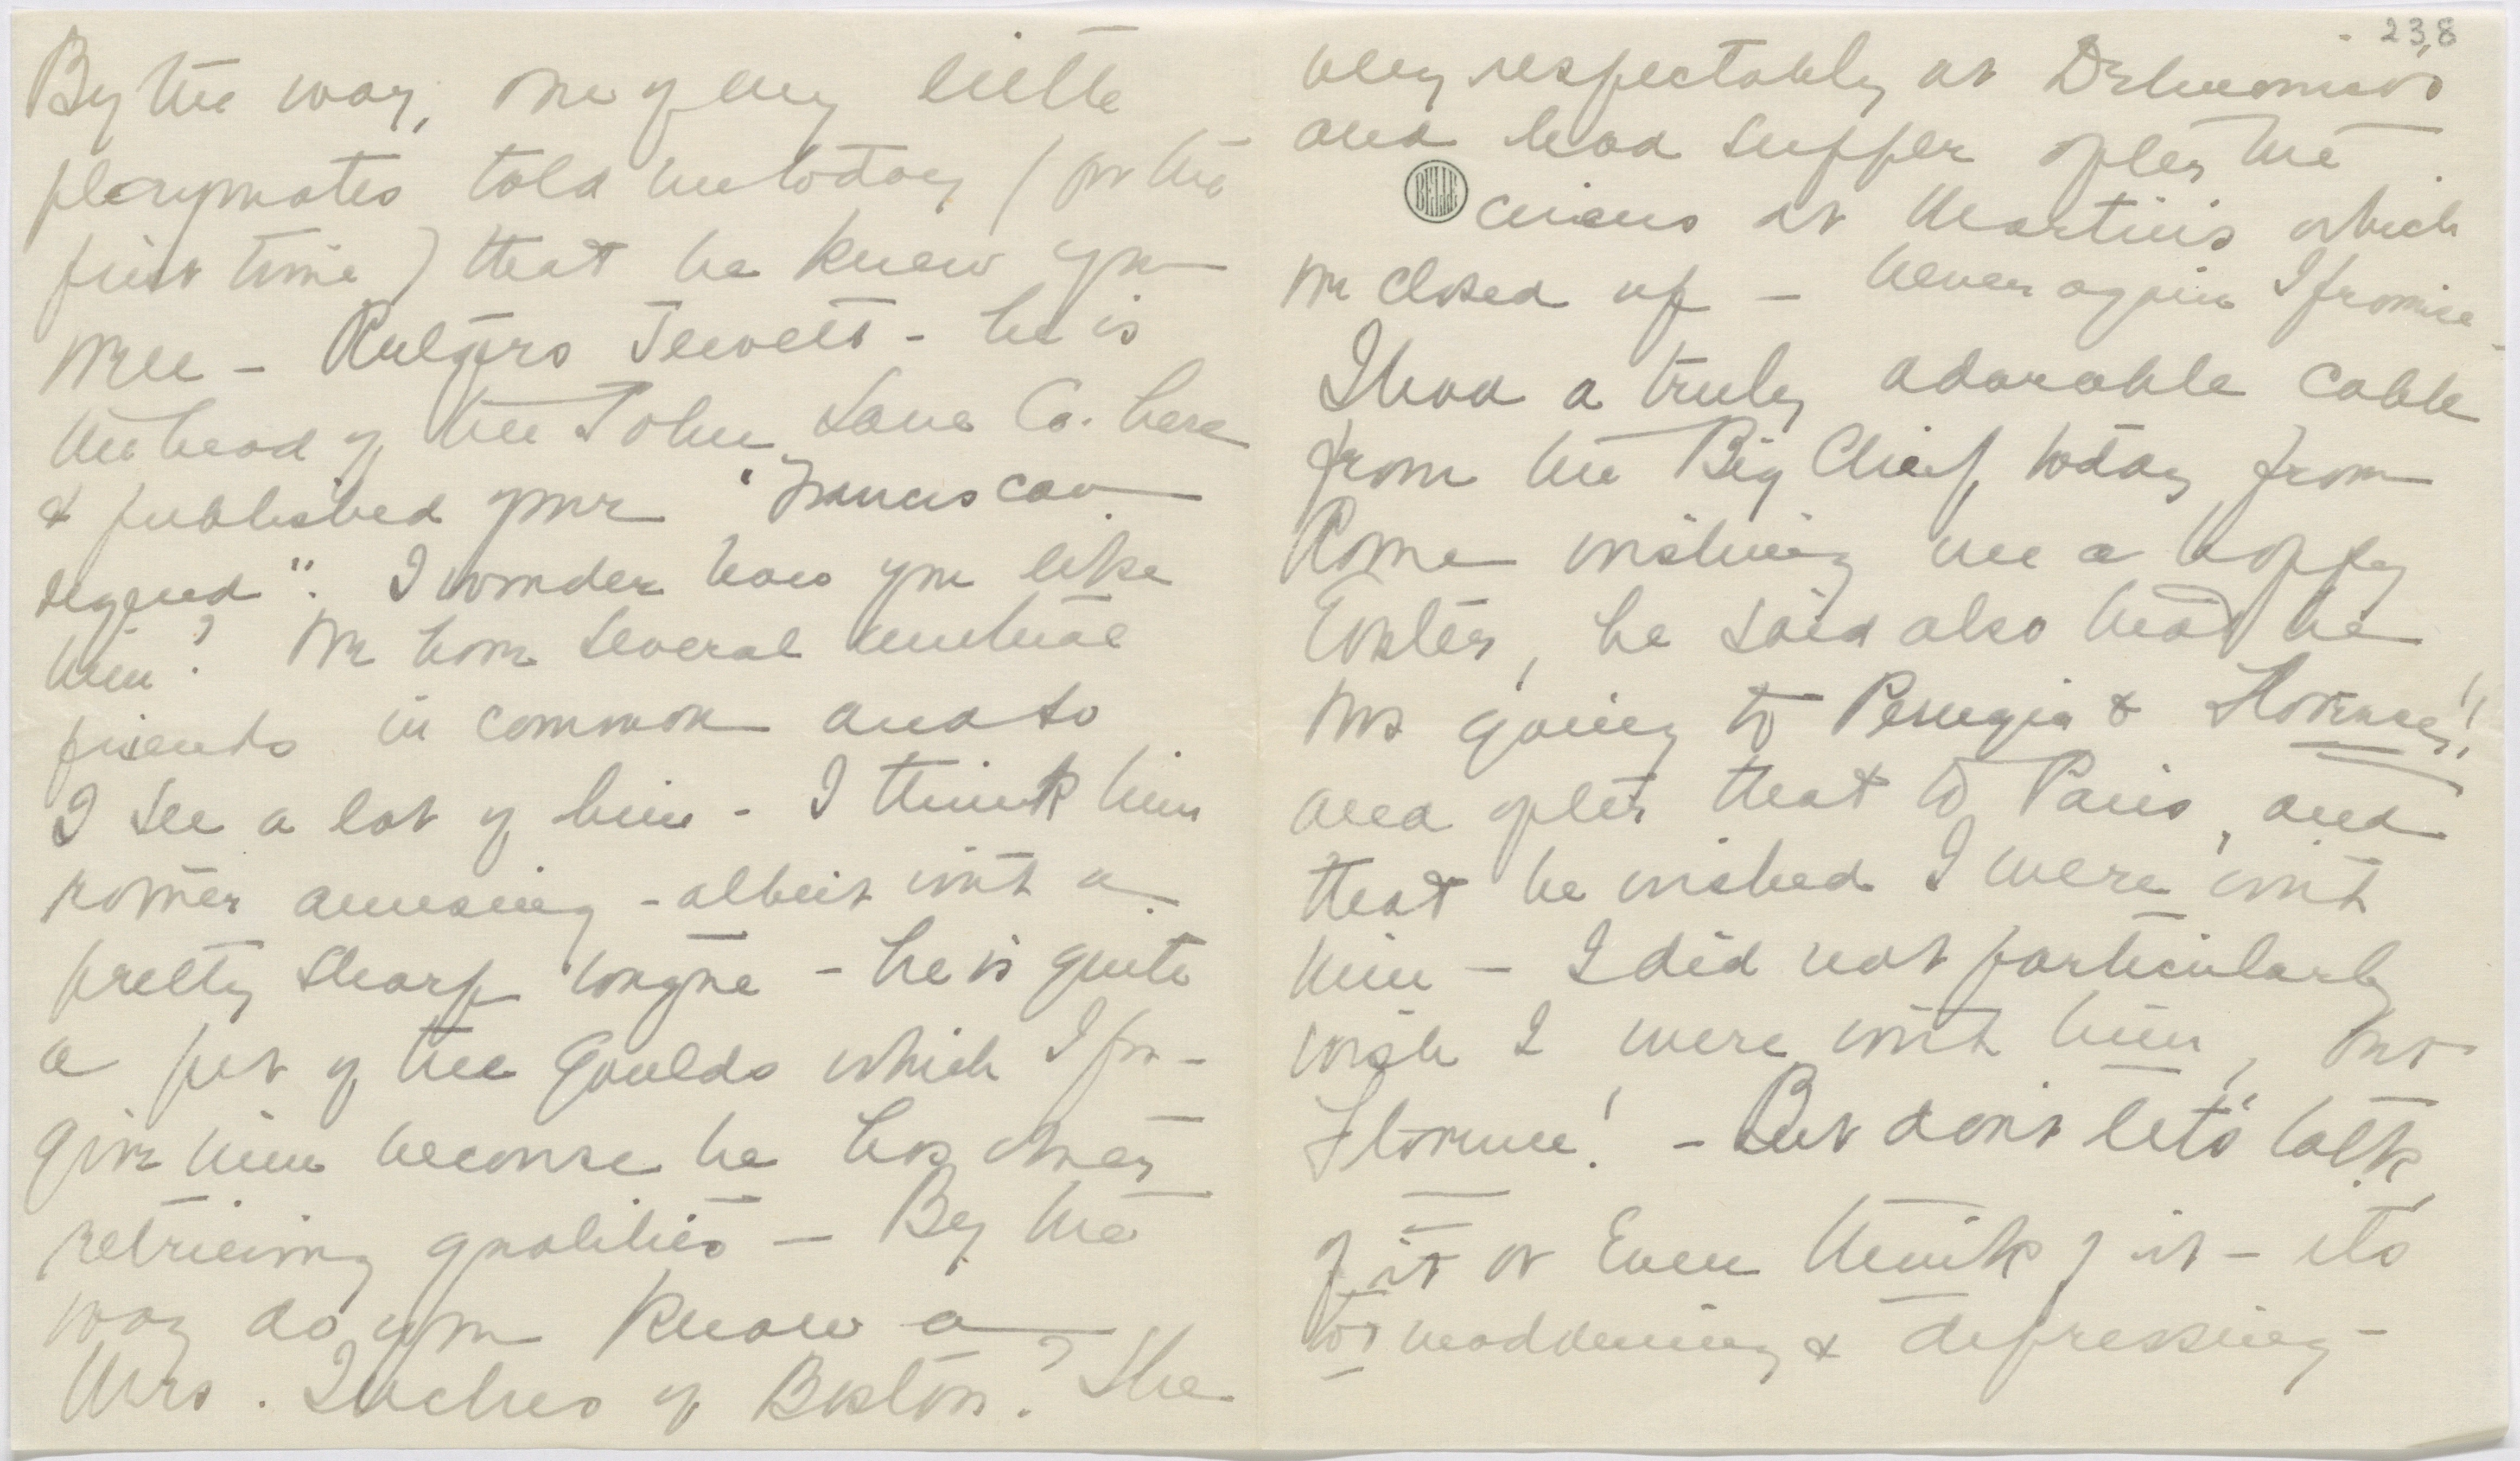very respectably at Delmonico’s and had supper after the circus at Martin’s which we closed up – never again I promise –
I had a truly adorable cable from the Big Chief today from Rome wishing me a happy Easter, he said also that he was going to Perugia & [double underlined: Florence!!] and after that to Paris, and that he wished I were with him – I did not particularly wish I were with him, but [double underlined: Florence]! – But don’t let’s talk of it or even think of it – it’s too maddening & depressing –
By the way, one of my little playmates told me today (for the first time) that he knew you well – Rutgers Jewett – he is the head of the John Lane Co. here & published your “Franciscan legend”. I wonder how you like him? We have several mutual friends in common and so I see a lot of him – I think him rather amusing – albeit with a pretty sharp tongue – he is quite a pet of the Goulds which I forgive him because he has other retrieving qualities – By the way do you know a Mrs. Inches of Boston? She